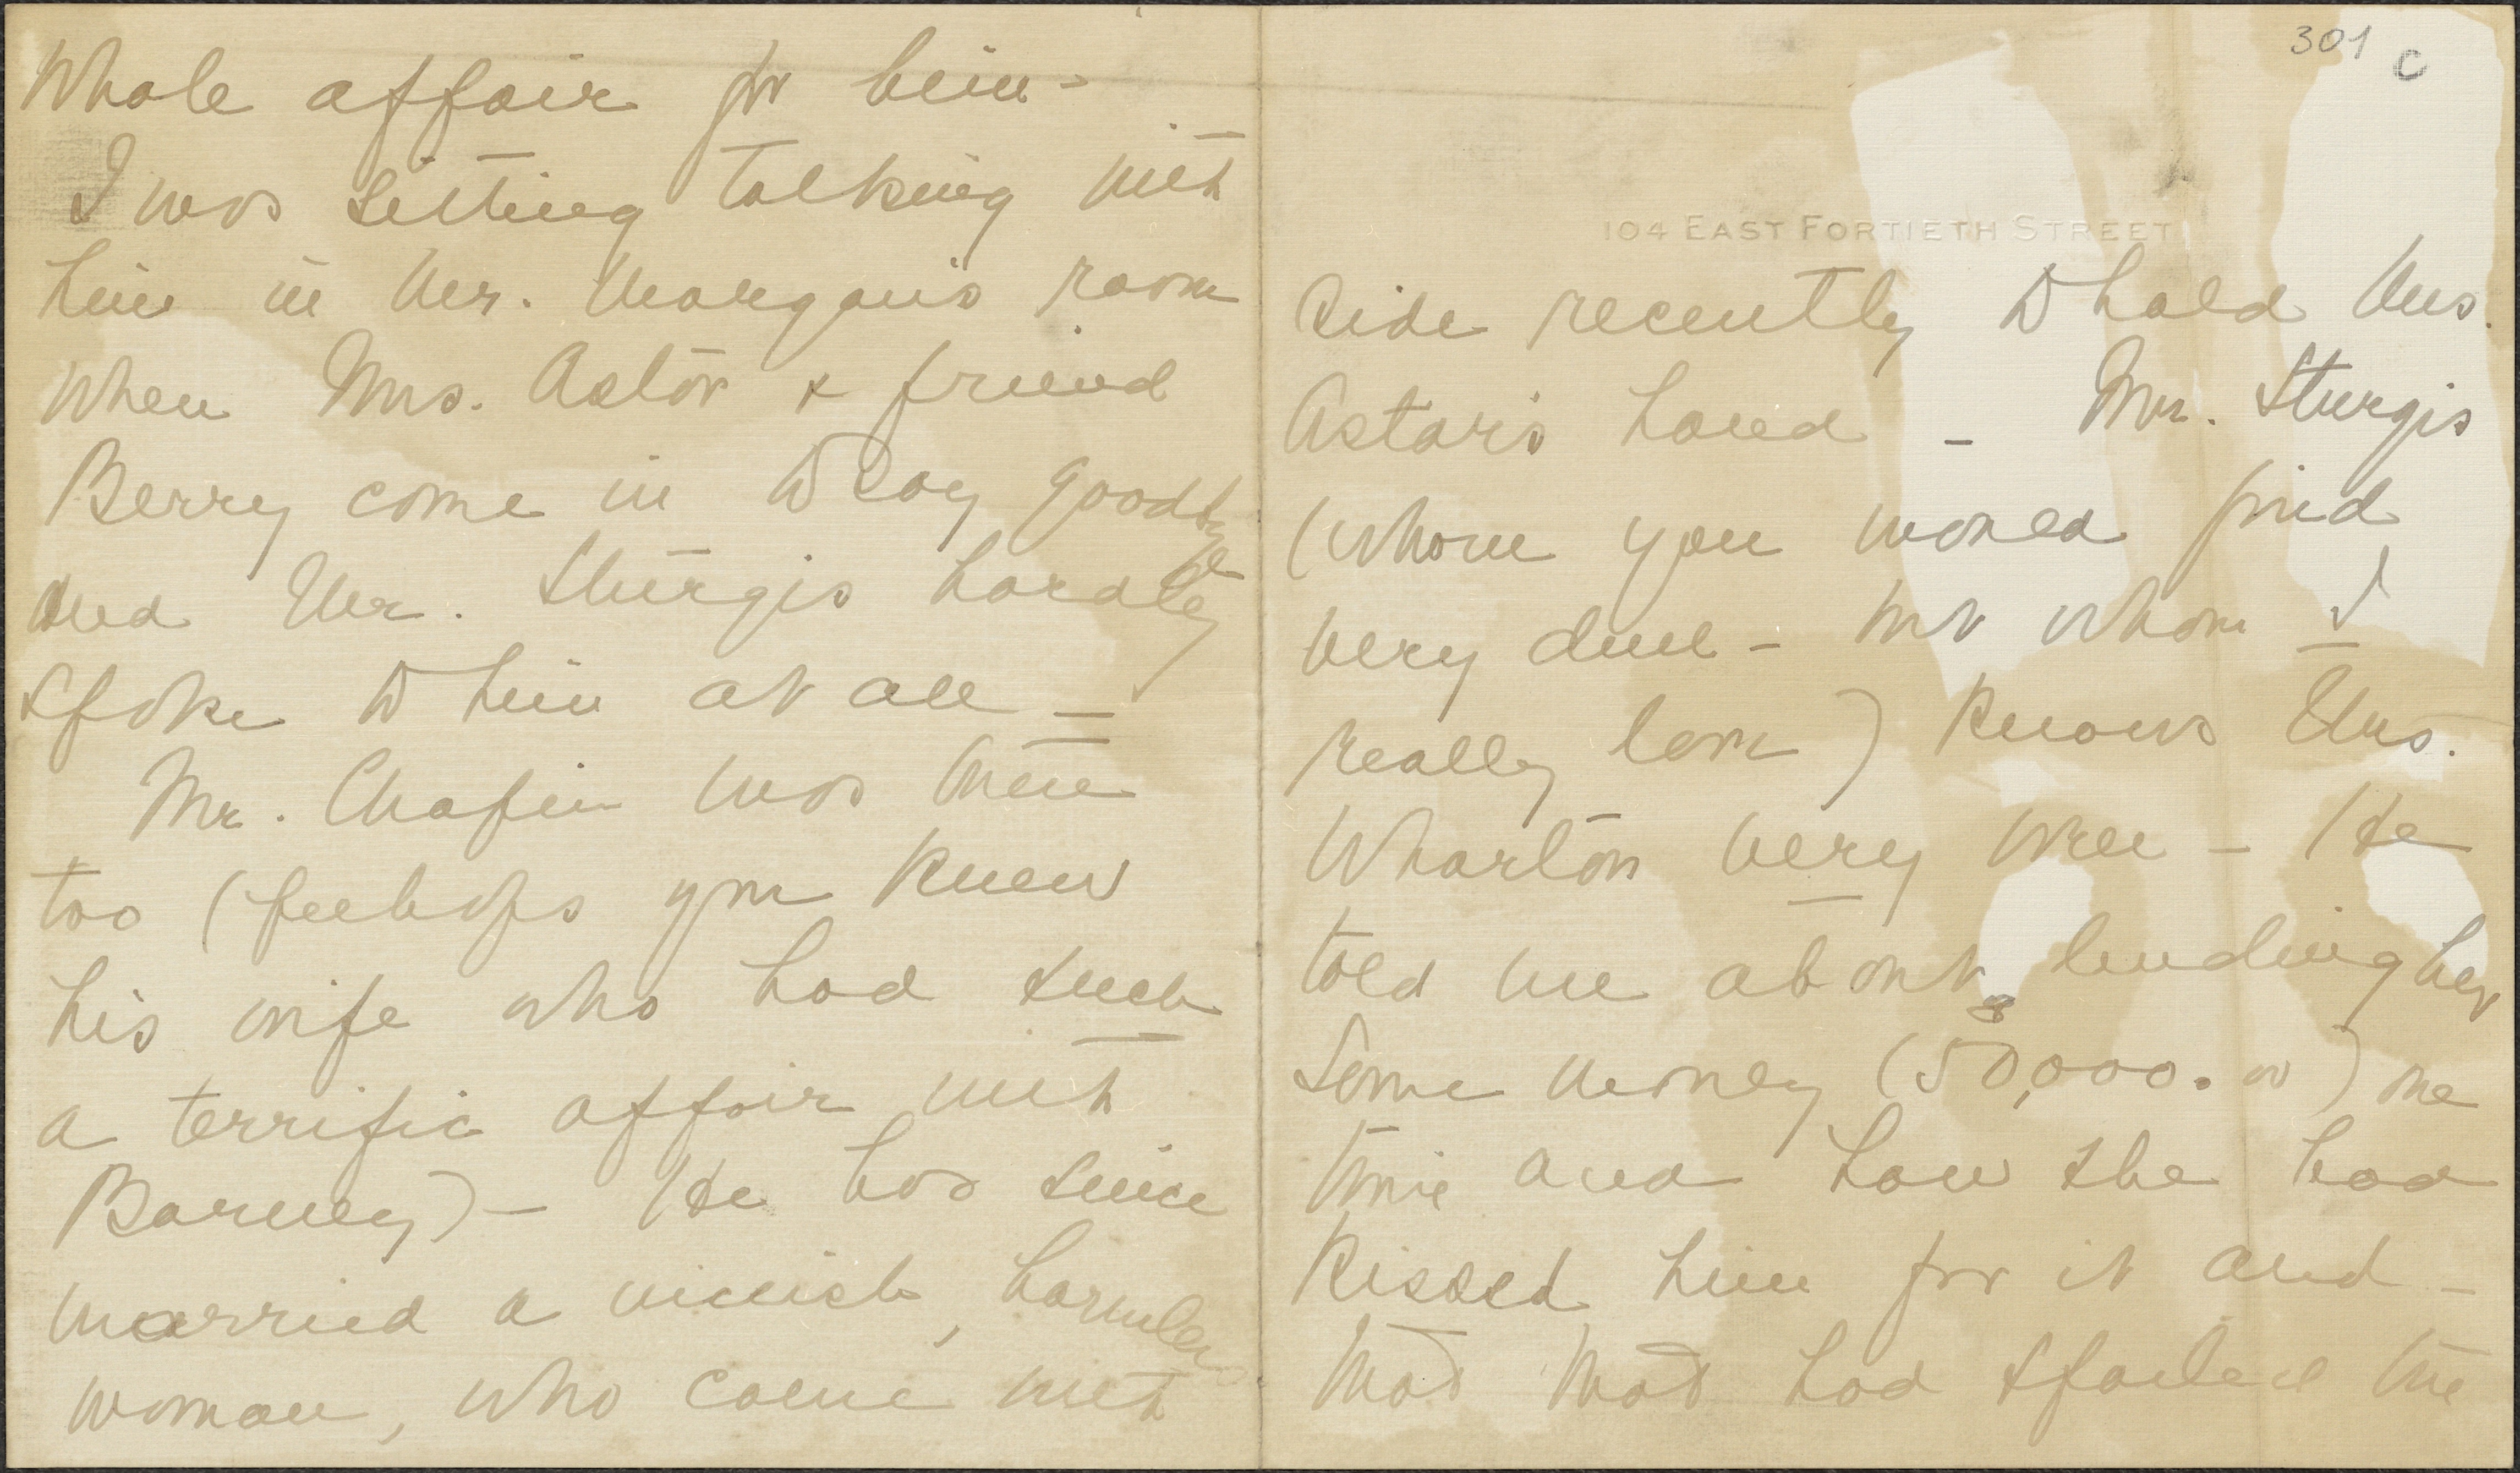side recently to hold Mrs. Astor’s hand – Mr. Sturgis (whom you would find very dull – but whom I really love) knows Mrs. Wharton very well – He told me about lending her some money ($50,000.00) one time and how she had kissed him for it and that that had spoiled the
whole affair for him –
I was sitting talking with him in Mr. Morgan’s room when Mrs. Astor & friend Berry came in to say goodbye and Mr. Sturgis hardly spoke to him at all –
Mr. Chapin was there too (perhaps you knew his wife who had such a terrific affair with Barney) – He has since married a niceish, harmless woman, who came with